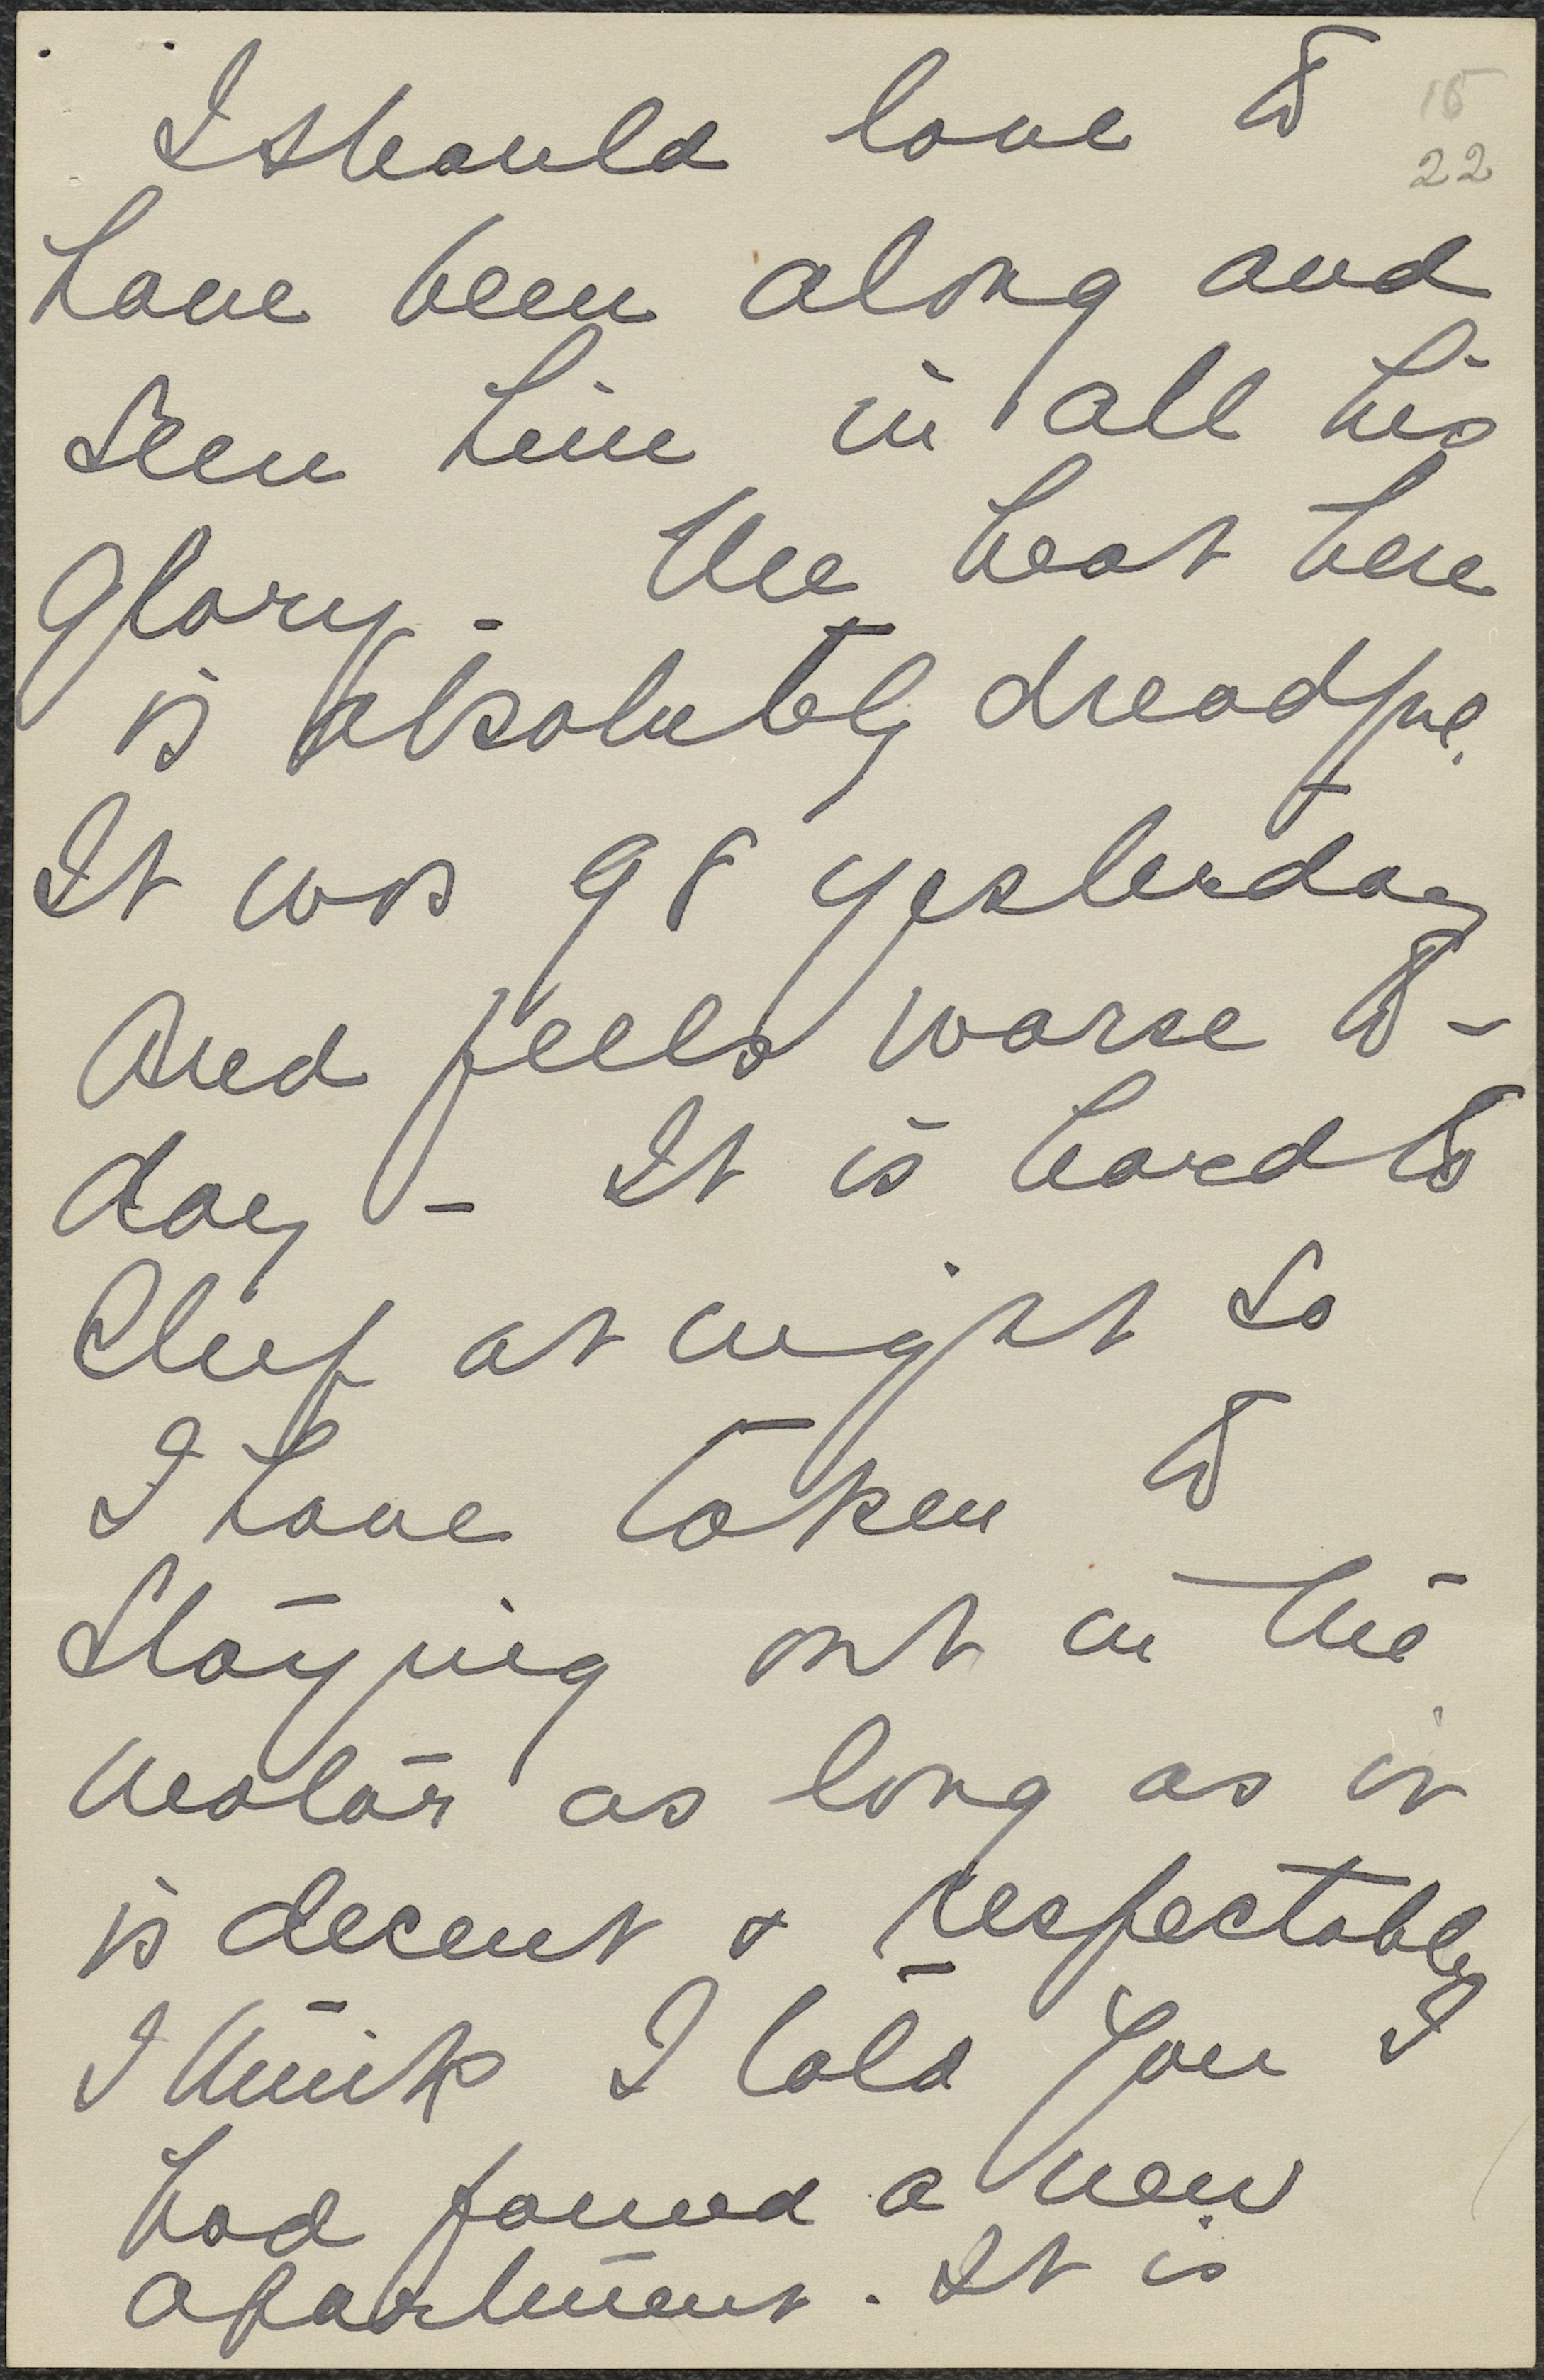I should love to have been along and seen him in all his glory – The heat here is absolutely dreadful. It was 98 yesterday and feels worse today – It is hard to sleep at night so I have taken to staying out in the motor as long as it is decent & respectably I think I told you I had found a new apartment. It is